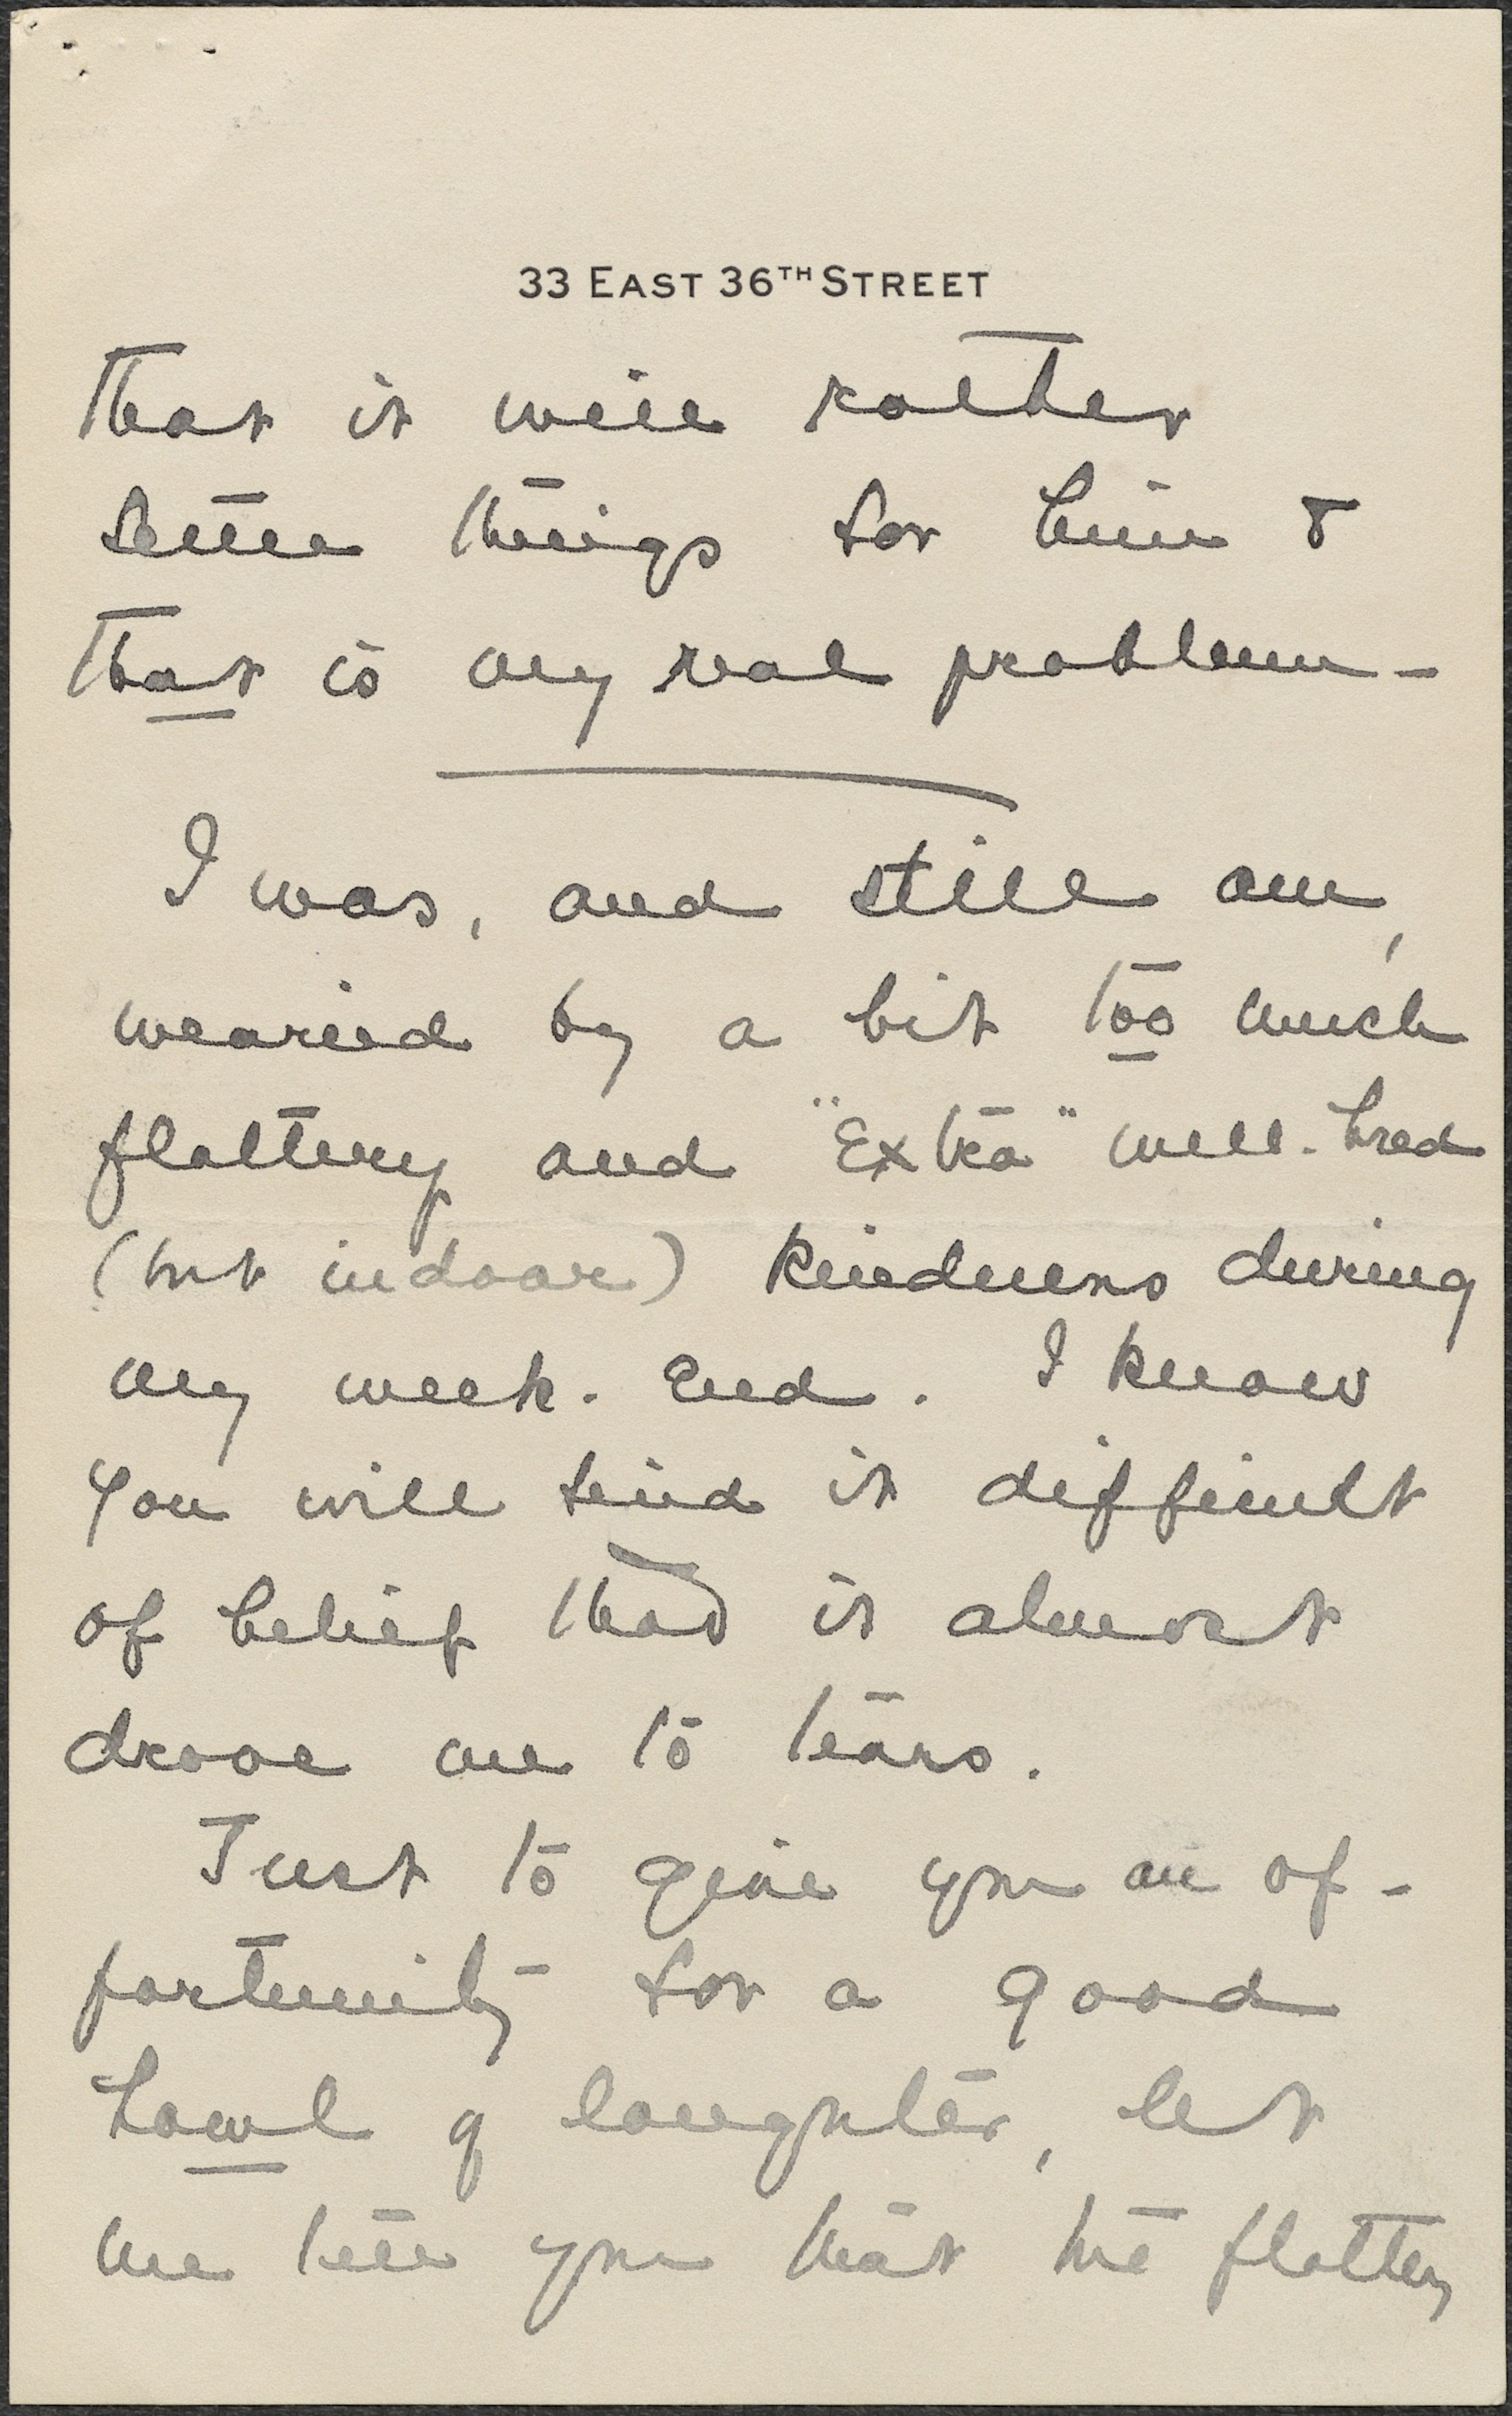that it will rather settle things for him & that is my real problem –
I was, and still am, wearied by a bit too much flattery and "extra" well-bred (but indoor) kindness during my week-end. I know you will find it difficult of belief that it almost drove me to tears.
Just to give you an opportunity for a good howl of laughter, let me tell you that the flattery